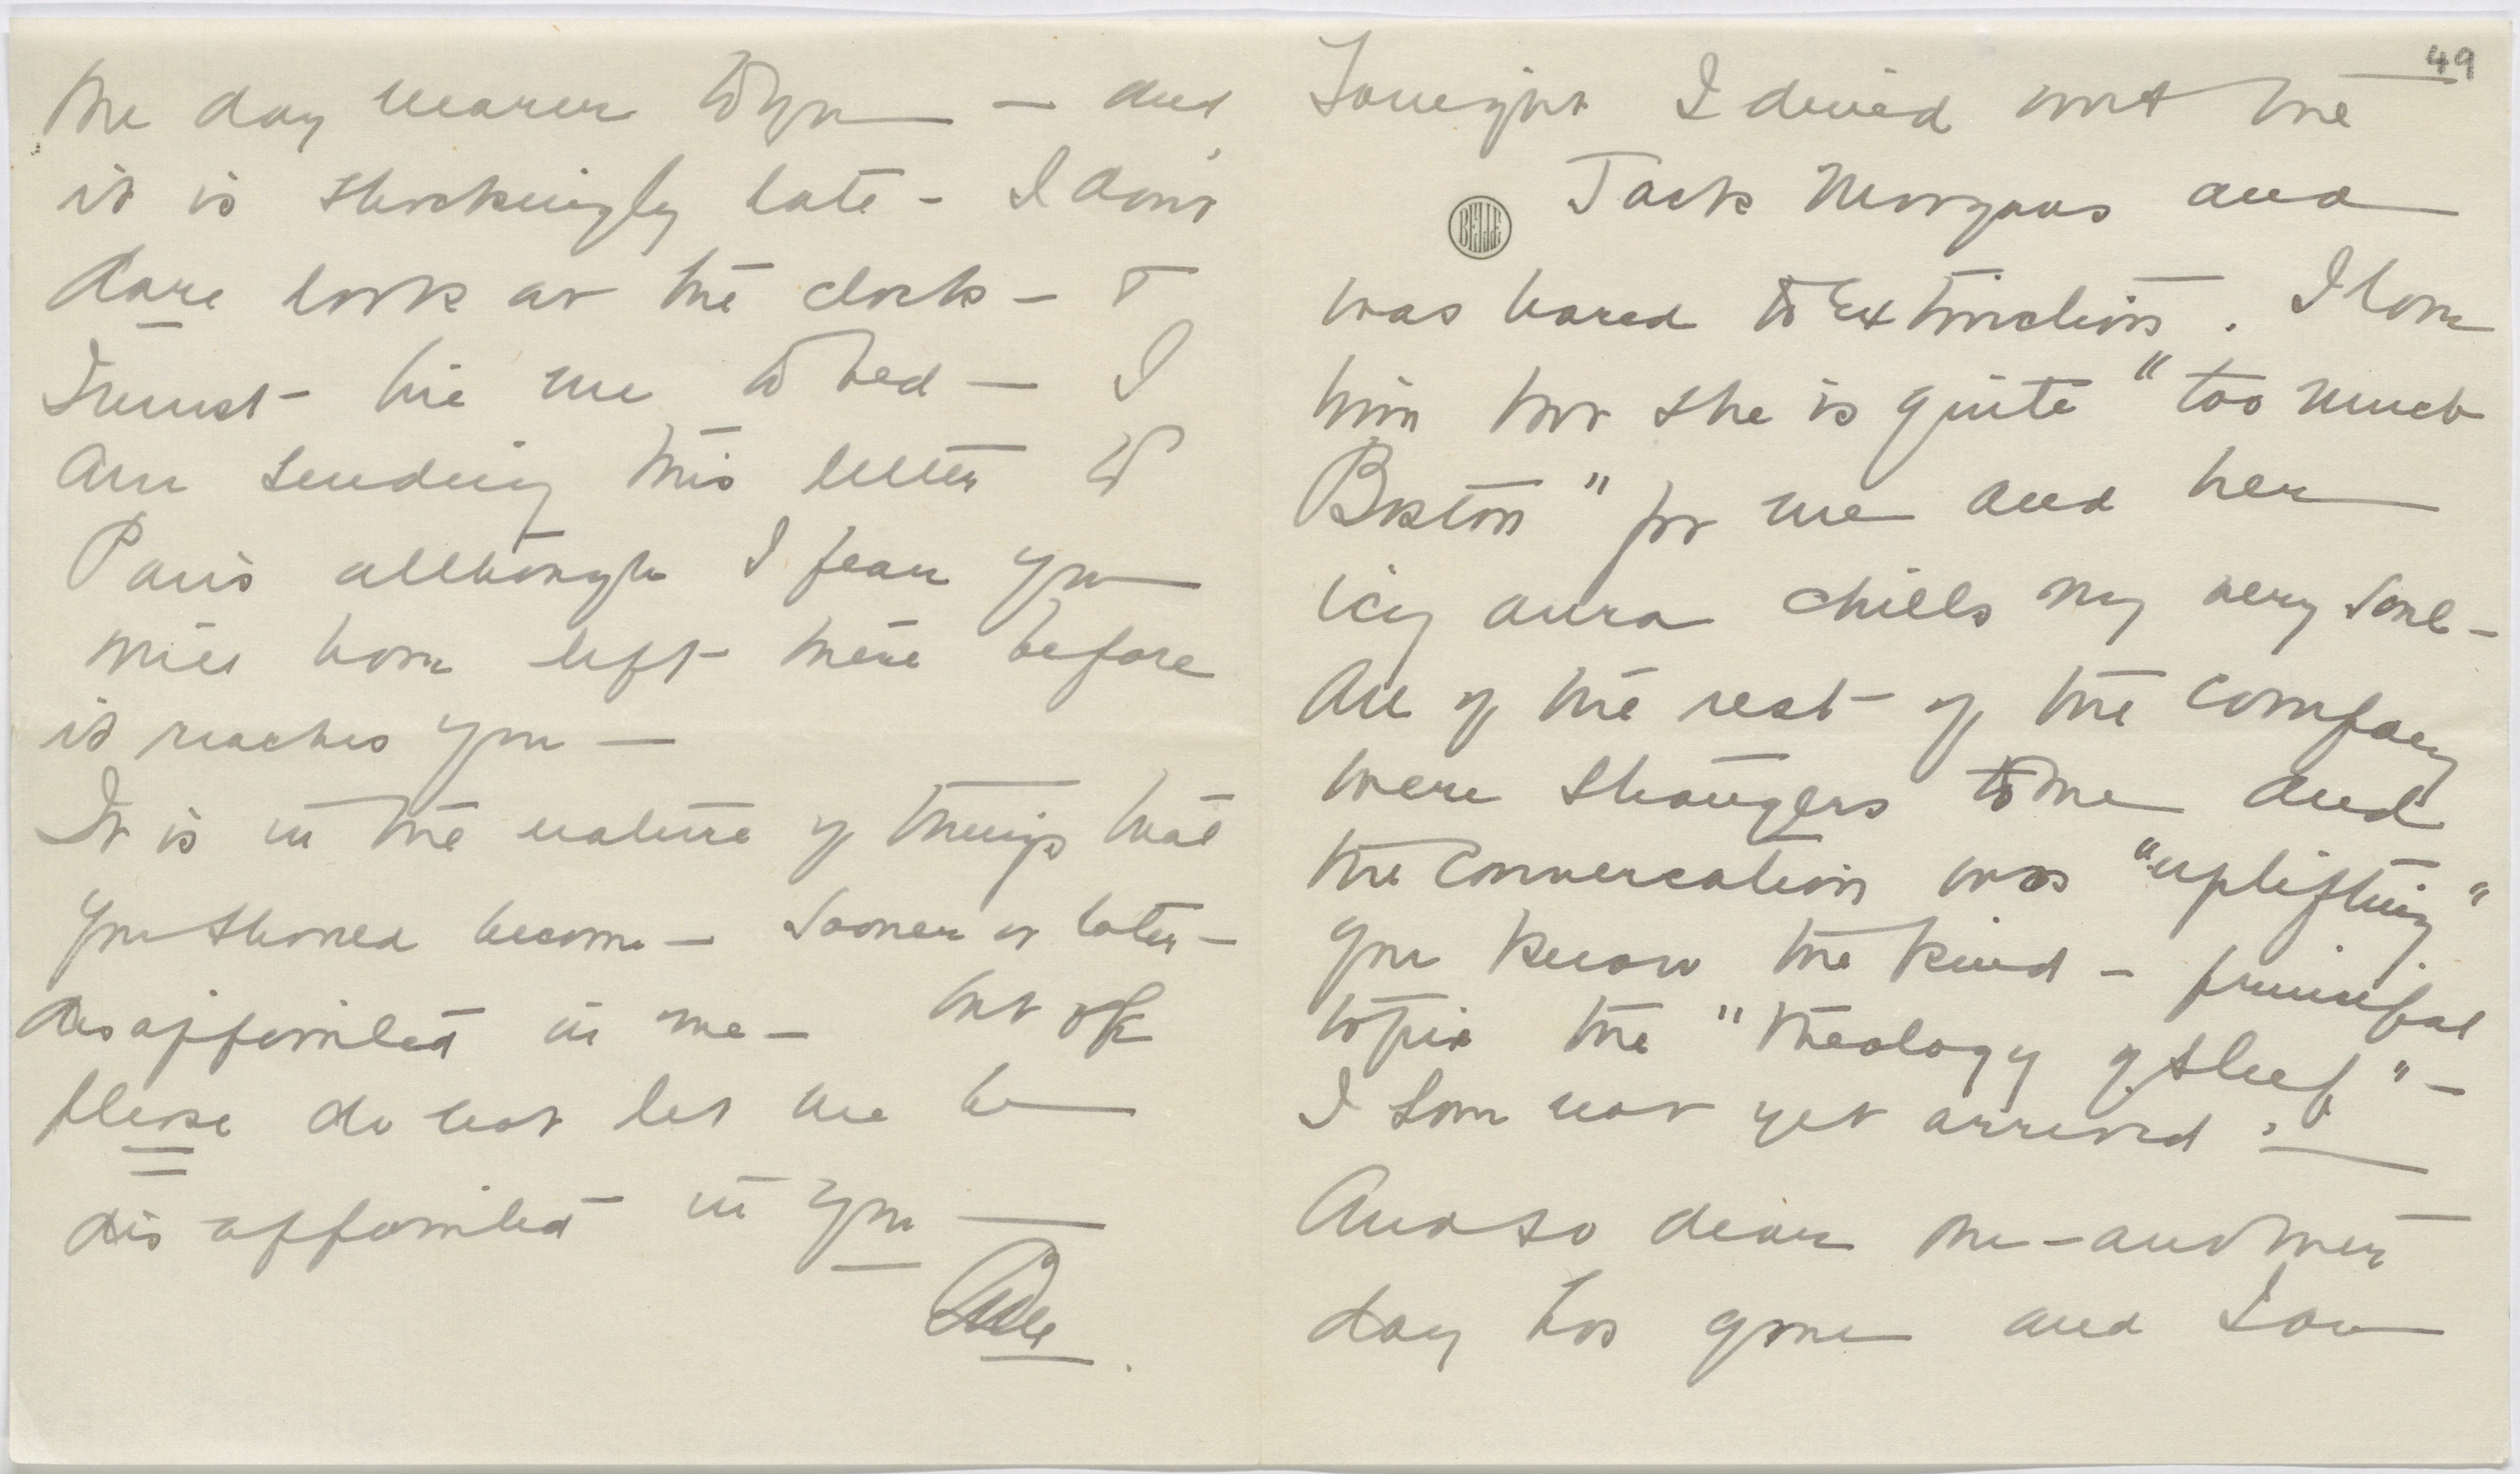Tonight I dined with the Jack Morgans and was bored to extinction. I love him but she is quite “too much Boston” for me and her icy aura chills my very soul – All of the rest of the company were strangers to me and the conversation was “uplifting” you know the kind – principal topic the “theology of sleep” – I have not yet arrived – And so dear one – another day has gone and I am
one day nearer to you – and it is shockingly late – I don’t dare look at the clock – & I must hie me to bed – I am sending this letter to Paris although I fear you will have left there before it reaches you –
It is in the nature of things that you should become – sooner or later – disappointed in me – but oh [double underlined: please] do not let me be disappointed in you –
Belle.